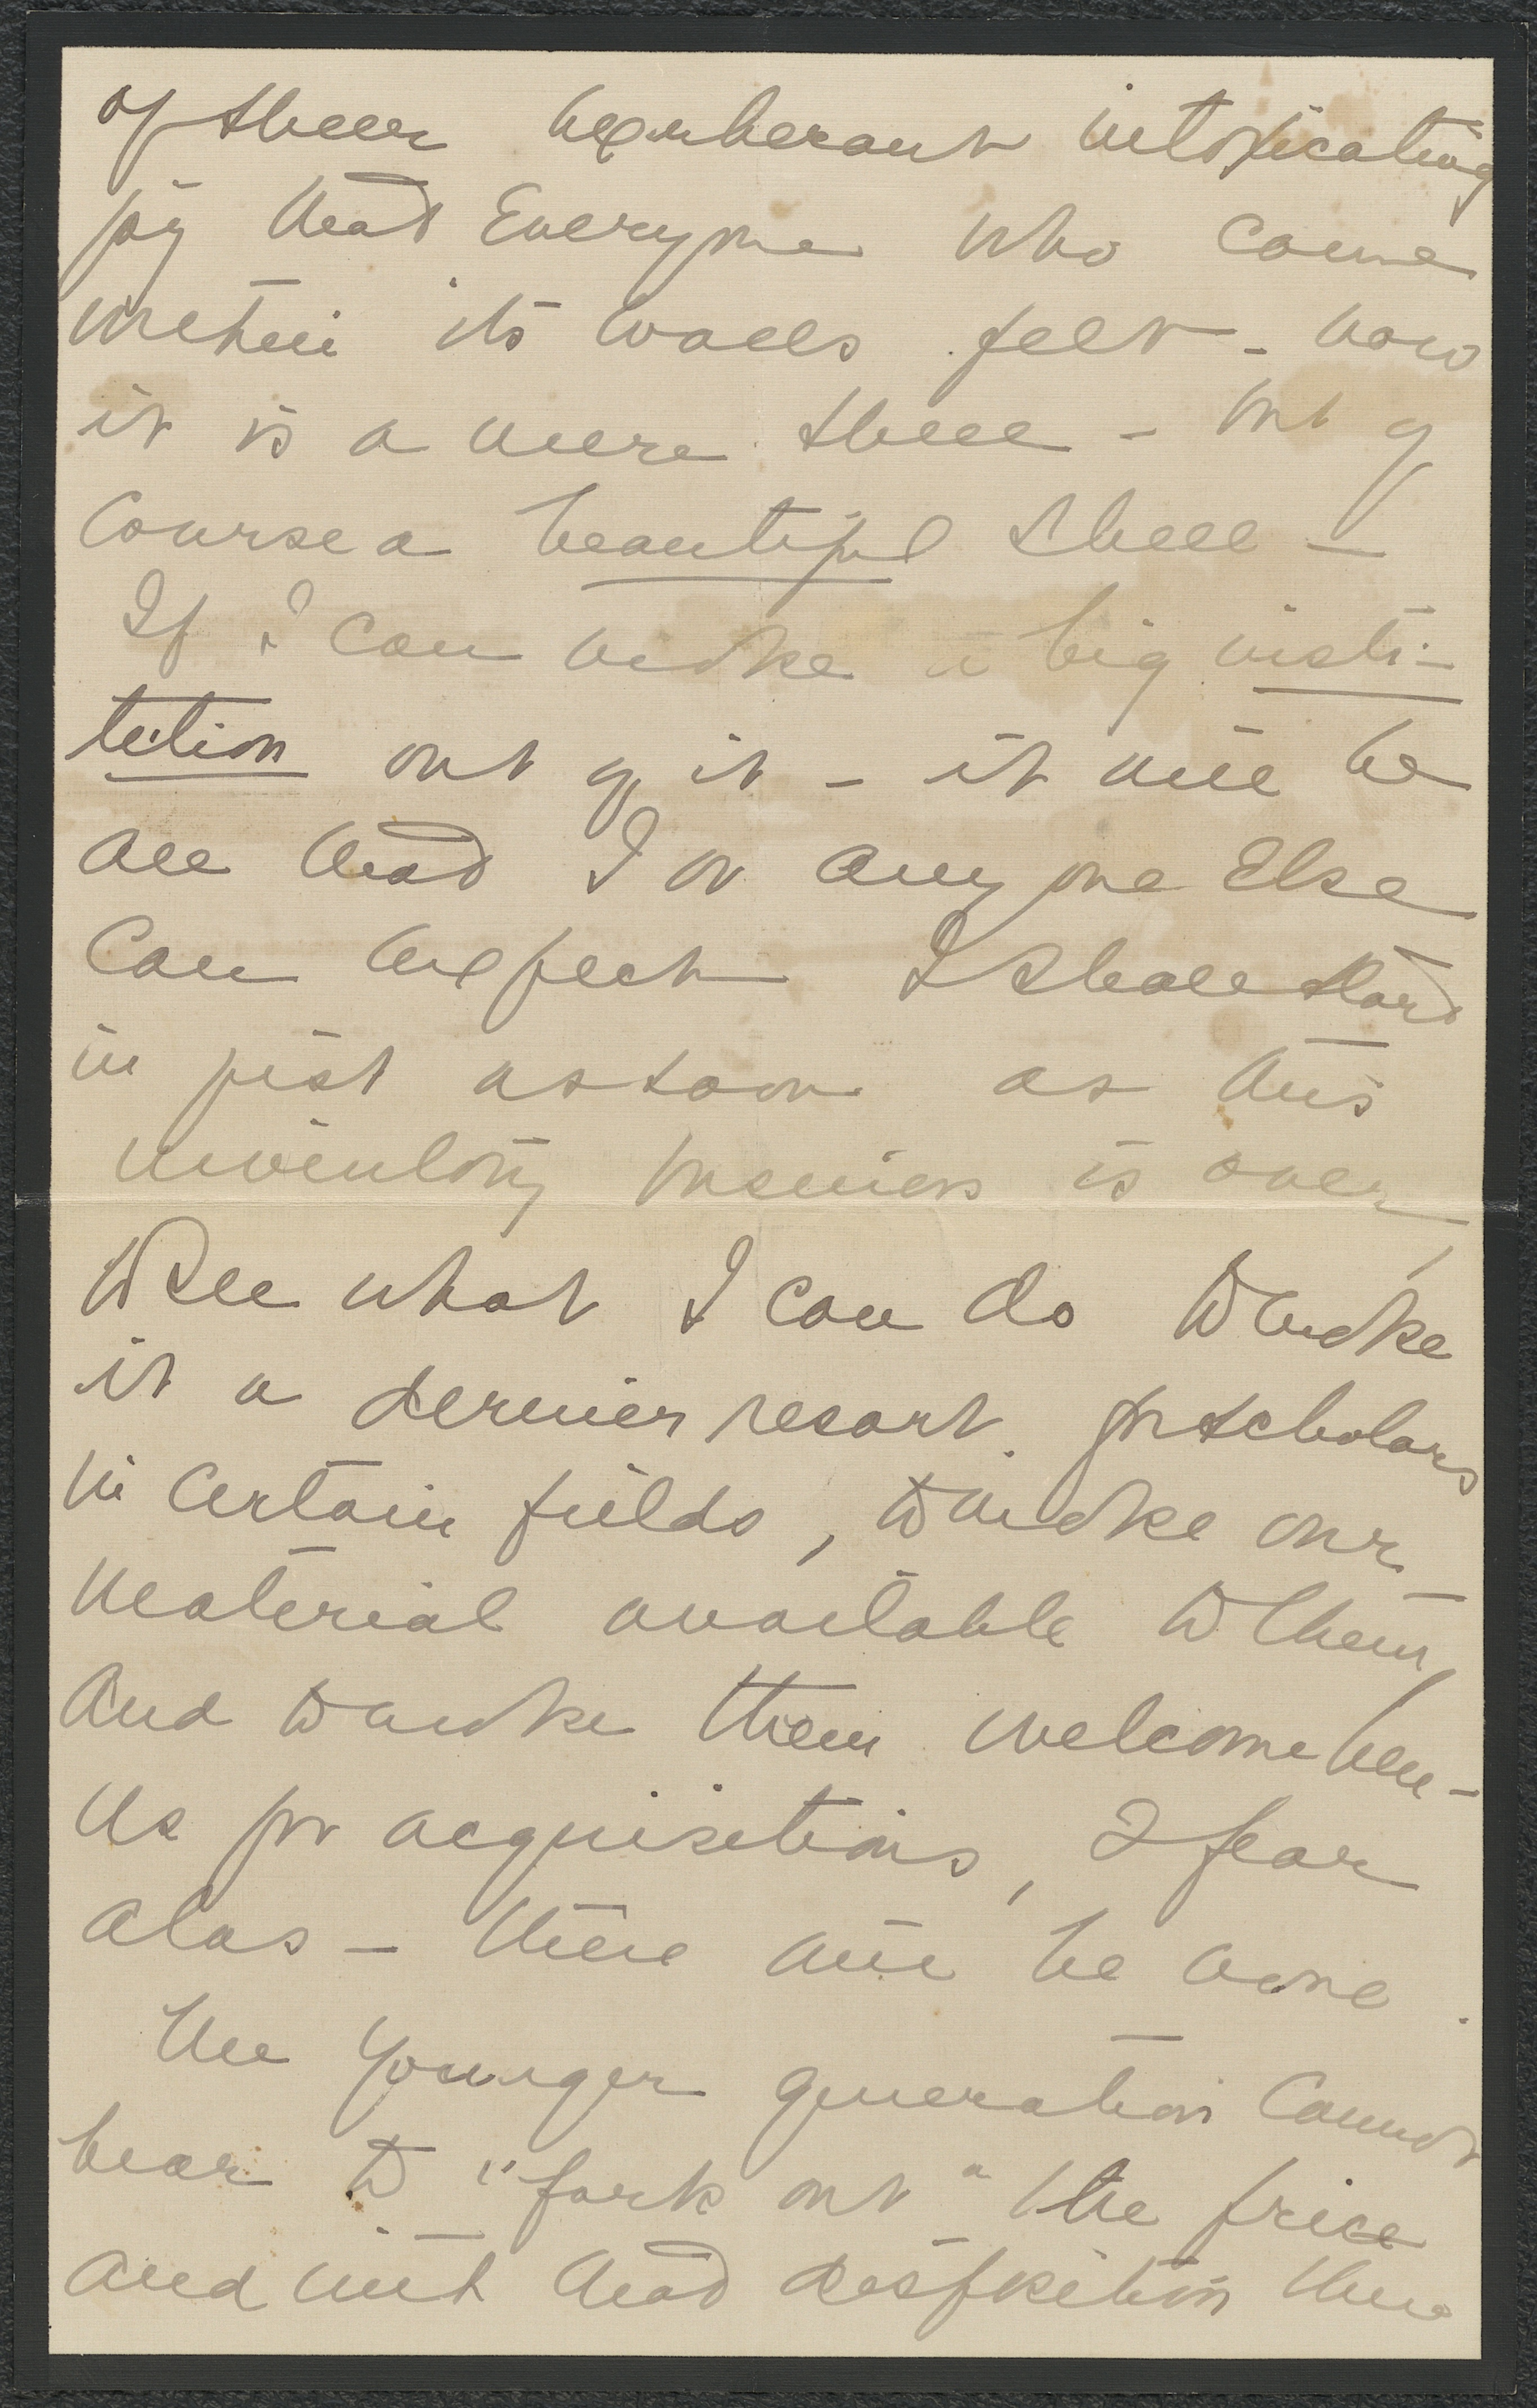of sheer exuberant intoxicating joy that everyone who came within its walls felt – now it is a mere shell – but of course a beautiful shell –
If I can make a big institution out of it – it will be all that I or anyone else can expect – I shall start in just as soon as this inventory business is over – to see what I can do to make it a dernier resort for scholars in certain fields, to make our material available to them and to make them welcome here – as for acquisitions, I fear alas – there will be none.
The younger generation cannot bear to “fork out” the price and with that disposition there